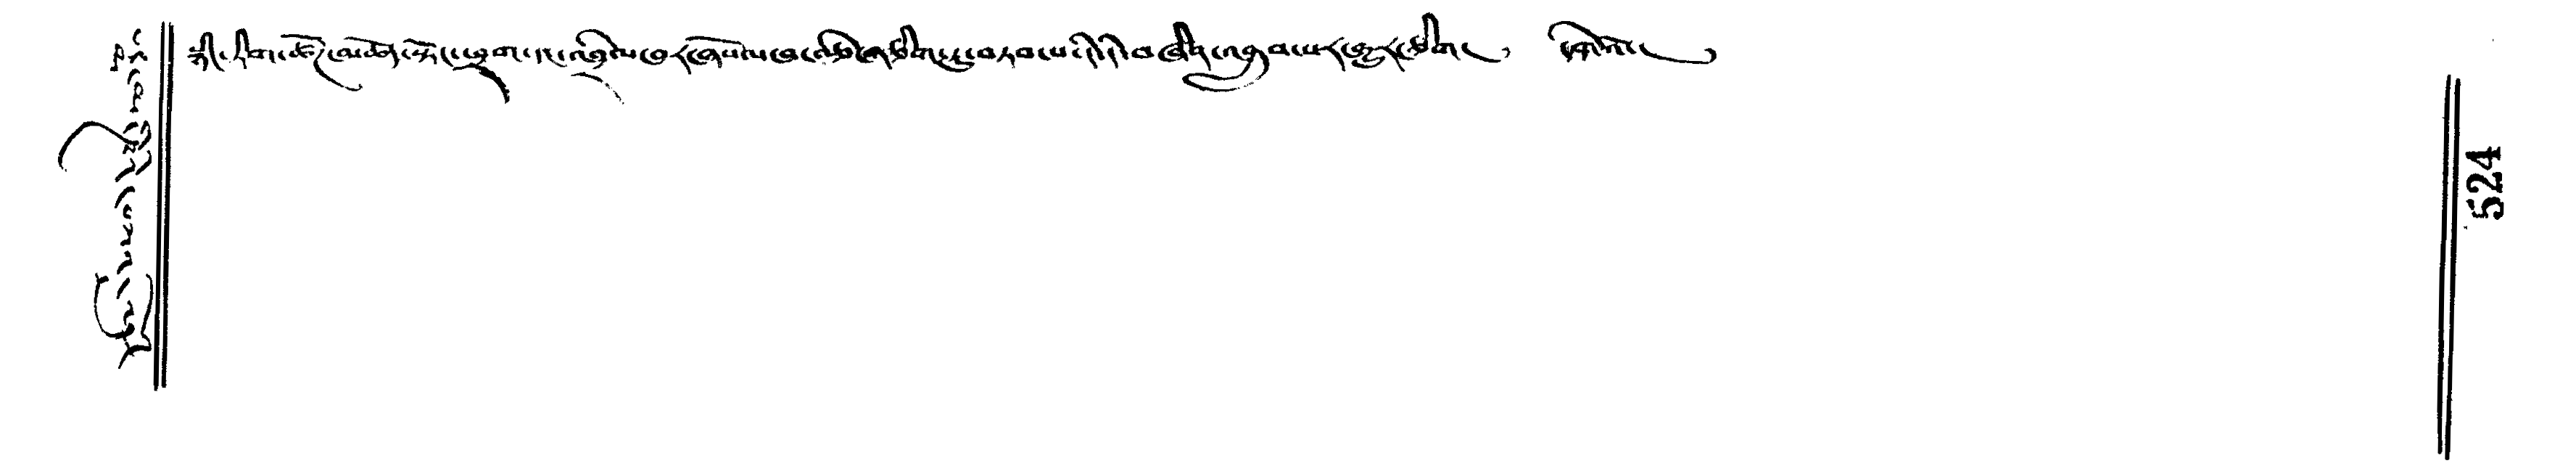སྙིང་ཏིག་ཚོགས་མཆོད་སྟོང་ཕྲག་དང་འབྲེལ་བར་གསོལ་བ་རྩེ་གཅིག་ཏུ་བཏབ་པ་དེ་དེ་བཞིན་འགྲུབ་པར་གྱུར་ཅིག། དག ེ འོ།།